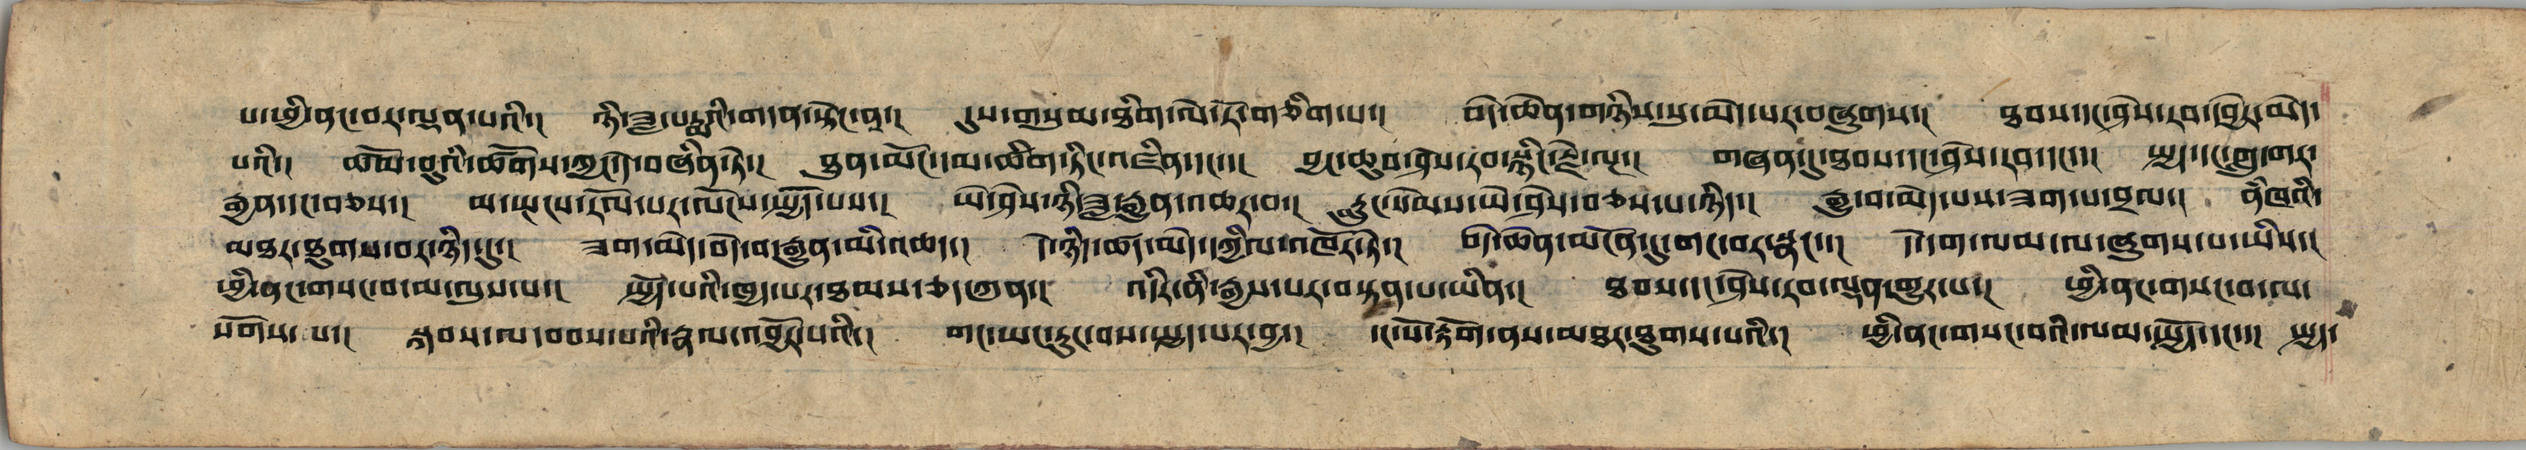པ་ཕྱི་ནང་བར་ལྡན་པའི་། ཉི་ཟླ་པདྨའི་གདན་སྟེང་ན་། དུས་གསུམ་ཐིག་ལེ་རོ་གཅིག་པ་། བདེ་ཆེན་གཉིས་སུ་མེད་པར་བཞུགས་། ཐབས་དང་ཤེས་རབ་དབྱེར་མེད་
པའི་། ཚོམ་བུའི་ཚོགས་ཀྱང་དེ་བཞིན་ཏེ་། ཐུན་མོང་དམ་ཚིག་ཏིང་འཛིན་དང་་། བྱང་ཆུབ་ཤེས་རབ་སྙིང་རྗེ་ལྔ་། གཞན་དུ་ཐབས་དང་ཤེས་རབ་དང་་། སྤྱད་དང་གླུ་གར་
རྒྱན་དང་བཅས་། མ་སྤངས་རོལ་པར་ལོངས་སྤྱོད་པས་། ཡེ་ཤེས་ཉི་ཟླ་རྒྱུན་འཆར་བ་། རླུང་སེམས་ཡེ་ཤེས་བཅས་པ་ཉིད་། རྒྱུ་བ་མེད་པས་ཟག་པ་བྲལ་། ནཾཁའི་
མཐར་ཐུགས་བར་ཉིད་དུ་། ཟག་མེད་བདེ་བ་རྒྱུན་མི་འཆད་། དེ་ཉིད་ཚད་མེད་དཀྱིལ་འཁོར་ཏེ་། བདེ་ཆེན་མངོན་དུ་གང་བར་སྣང་་། དེ་དག་ལམ་ལ་ཞུགས་པ་ཡིས་།
ཕྱི་ནང་གསང་བ་མ་ལུས་པ་། སྤྱོད་པའི་ཁྱད་པར་ཐམས་ཅད་ཀུན་། འདིར་ནི་རྒྱས་པར་བསྟན་པ་ཡིན་། ཐབས་དང་ཤེས་རབ་ལྡན་གྱུར་པ་། ཕྱི་ནང་གསང་བ་ལ་
སོགས་པ་། སྐབས་ལ་བབས་པའི་རྣལ་འབྱོར་པའི་། གང་ཡང་རུང་བས་སྤྱད་པར་བྱ་། དང་པོ་རྟོག་ནས་མཐར་ཐུགས་པའི་། ཕྱི་ནང་གསང་བའི་ལམ་སྤྱོད་དང་་། སྤྱད་